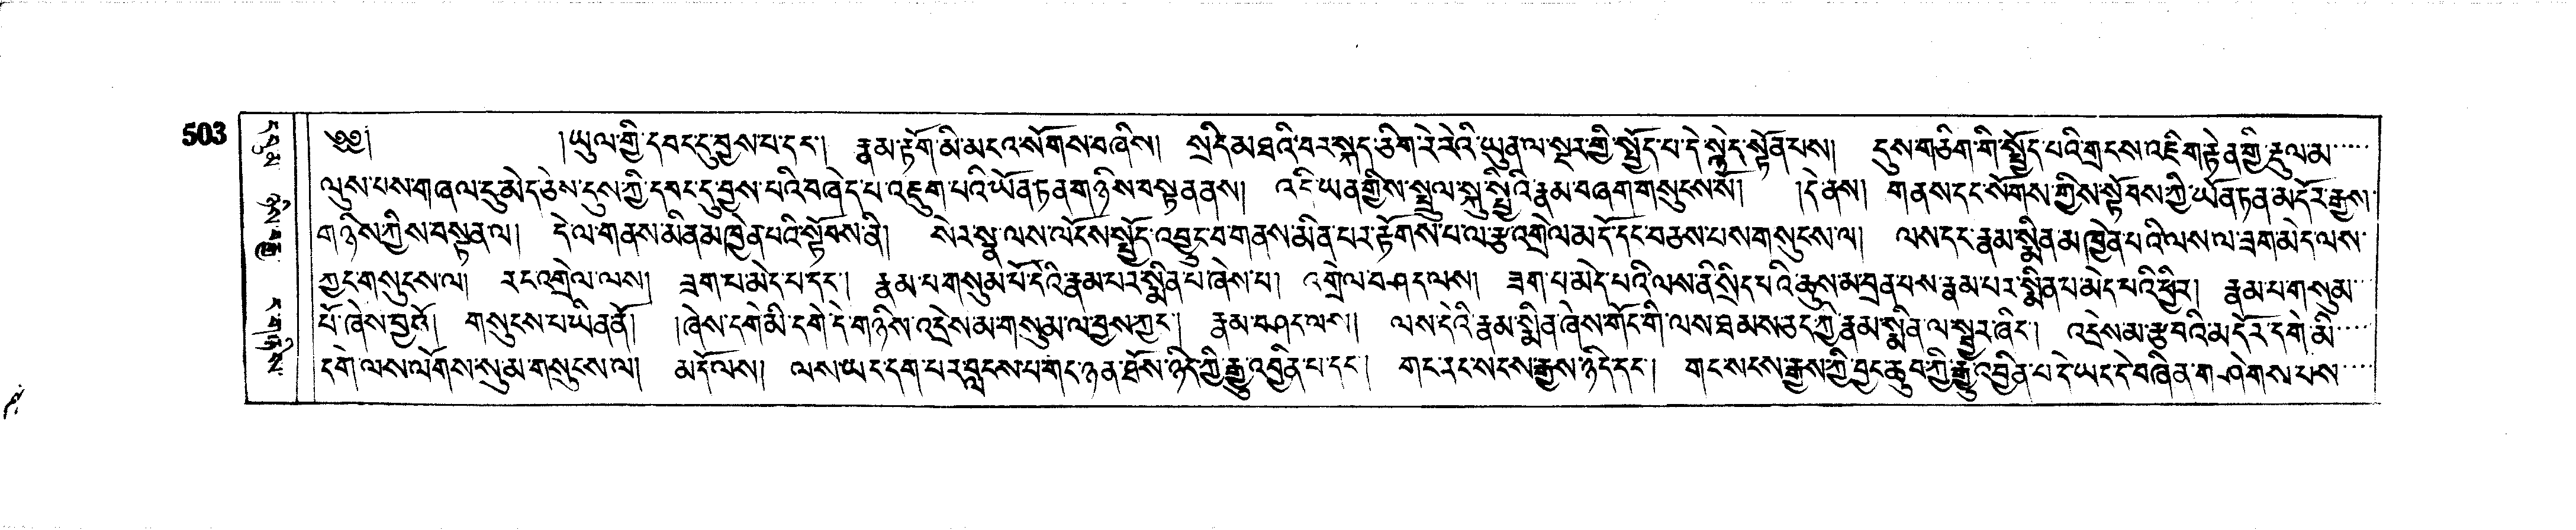༄༅། །ཡུལ་གྱི་དབང་དུ་བྱས་པ་དང་། རྣམ་རྟོག་མི་མངའ་སོགས་བཞིས། སྲིད་མཐའི་བར་སྐད་ཅིག་རེ་རེའི་ཡུན་ལ་སྔར་གྱི་སྤྱོད་པ་དེ་སྙེད་སྟོན་པས། དུས་གཅིག་གི་སྤྱོད་པའི་གྲངས་འཇིག་རྟེན་གྱི་རྡུལ་མ་
ལུས་པས་གཞལ་དུ་མེད་ཅེས་དུས་ཀྱི་དབང་དུ་བྱས་པའི་བཞེད་པ་འཇུག་པའི་ཡོན་ཏན་གཉིས་བསྟན་ནས། འདི་ཡན་གྱིས་སྤྲུལ་སྐུ་སྤྱིའི་རྣམ་བཞག་གསུངས་སོ། །དེ་ནས། གནས་དང་སོགས་གྱིས་སྟོབས་ཀྱི་ཡོན་ཏན་མདོར་རྒྱས་
གཉིས་ཀྱིས་བསྟན་ལ། དེ་ལ་གནས་མིན་མཁྱེན་པའི་སྟོབས་ནི། སེར་སྣ་ལས་ལོངས་སྤྱོད་འབྱུང་བ་གནས་མིན་པར་རྟོགས་པ་ལ་རྩ་འགྲེལ་མདོ་དང་བཅས་པས་གསུངས་ལ། ལས་དང་རྣམ་སྨིན་མཁྱེན་པའི་ལས་ལ་ཟག་མེད་ལས་
ཀྱང་གསུངས་ལ། རང་འགྲེལ་ལས། ཟག་པ་མེད་པ་དང་། རྣམ་པ་གསུམ་པོ་དེའི་རྣམ་པར་སྨིན་པ་ཞེས་པ། འགྲེལ་བཤད་ལས། ཟག་པ་མེད་པའི་ལས་ནི་སྲིད་པའི་ཆུས་མ་བྲན་པས་རྣམ་པར་སྨིན་པ་མེད་པའི་ཕྱིར། རྣམ་པ་གསུམ་
པོ་ཞེས་བྱའོ། གསུངས་པ་ཡིན་ནོ། །ཞེས་དགེ་མི་དགེ་དེ་གཉིས་འདྲེས་མ་གསུམ་ལ་བྱས་ཀྱང་། རྣམ་བཤད་ལས། ལས་དེའི་རྣམ་སྨིན་ཞེས་གོང་གི་ལས་ཐམས་ཅད་ཀྱི་རྣམ་སྨིན་ལ་སྦྱར་ཞིང་། འདྲེས་མ་རྩ་བའི་མདོར་དགེ་མི་
དགེ་ལས་ལོགས་སུ་མ་གསུངས་ལ། མདོ་ལས། ལས་ཡང་དག་པར་བླངས་པ་གང་ཉན་ཐོས་ཉིད་ཀྱི་རྒྱུ་འབྱིན་པ་དང་། གང་རང་སངས་རྒྱས་ཉིད་དང་། གང་སངས་རྒྱས་ཀྱི་བྱང་ཆུབ་ཀྱི་རྒྱུ་འབྱིན་པ་དེ་ཡང་དེ་བཞིན་གཤེགས་པས་